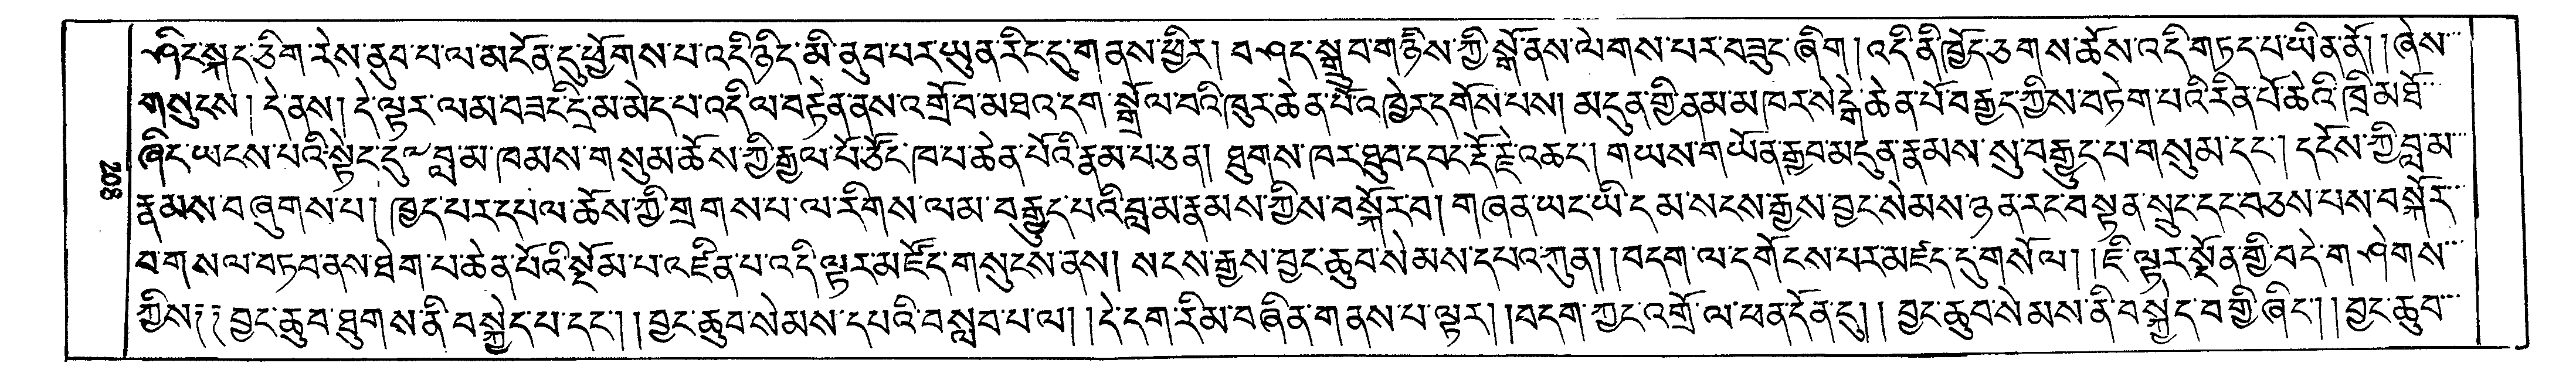ཤིང་སྐད་ཅིག་རེས་ནུབ་པ་ལ་མངོན་དུ་ཕྱོགས་པ་འདི་ཉིད་མི་ནུབ་པར་ཡུན་རིང་དུ་གནས་ཕྱིར། བཤད་སྒྲུབ་གཉིས་ཀྱི་སྒོ་ནས་ལེགས་པར་བཟུང་ཞིག། འདི་ནི་ཁྱོད་ཅག་ལ་ཆོས་འདི་གཏད་པ་ཡིན་ནོ། །ཞེས་
གསུངས། དེ་ནས། དེ་ལྟར་ལམ་བཟང་དྲི་མ་མེད་པ་འདི་ལ་བརྟེན་ནས་འགྲོ་བ་མཐའ་དག་སྒྲོལ་བའི་ཁུར་ཆེན་པོ་འཁྱེར་དགོས་པས། མདུན་གྱི་ནམ་མཁར་སེངྒེ་ཆེན་པོ་བརྒྱད་ཀྱིས་བཏེག་པའི་རིན་པོ་ཆེའི་ཁྲི་མཐོ་
ཞིང་ཡངས་པའི་སྟེང་དུ ༧བླ་མ་ཁམས་གསུམ་ཆོས་ཀྱི་རྒྱལ་པོ་ཙོང་ཁ་པ་ཆེན་པོའི་རྣམ་པ་ཅན། ཐུགས་ཁར་ཐུབ་དབང་རྡོ་རྗེ་འཆང་། གཡས་གཡོན་རྒྱབ་མདུན་རྣམས་སུ་བརྒྱུད་པ་གསུམ་དང་། དངོས་ཀྱི་བླ་མ་
རྣམས་བཞུགས་པ། ཁྱད་པར་དཔལ་ཆོས་ཀྱི་གྲགས་པ་ལ་རིགས་ལམ་བརྒྱུད་པའི་བླ་མ་རྣམས་ཀྱིས་བསྐོར་བ། གཞན་ཡང་ཡི་དམ་སངས་རྒྱས་བྱང་སེམས་ཉན་རང་བསྟན་སྲུང་དང་བཅས་པས་བསྐོར་
བ་གསལ་བཏབ་ནས་ཐེག་པ་ཆེན་པོའི་སྡོམ་པ་འཛིན་པ་འདི་ལྟར་མཛོད་གསུངས་ནས། སངས་རྒྱས་བྱང་ཆུབ་སེམས་དཔའ་ཀུན། བདག་ལ་དགོངས་པར་མཛད་དུ་གསོལ། །ཇི་ལྟར་སྔོན་གྱི་བདེ་གཤེགས་
ཀྱིས༑ ༑བྱང་ཆུབ་ཐུགས་ནི་བསྐྱེད་པ་དང་། བྱང་ཆུབ་སེམས་དཔའི་བསླབ་པ་ལ། །དེ་དག་རིམ་བཞིན་གནས་པ་ལྟར། །བདག་ཀྱང་འགྲོ་ལ་ཕན་དོན་དུ། །བྱང་ཆུབ་སེམས་ནི་བསྐྱེད་བགྱི་ཞིང་། །བྱང་ཆུབ་